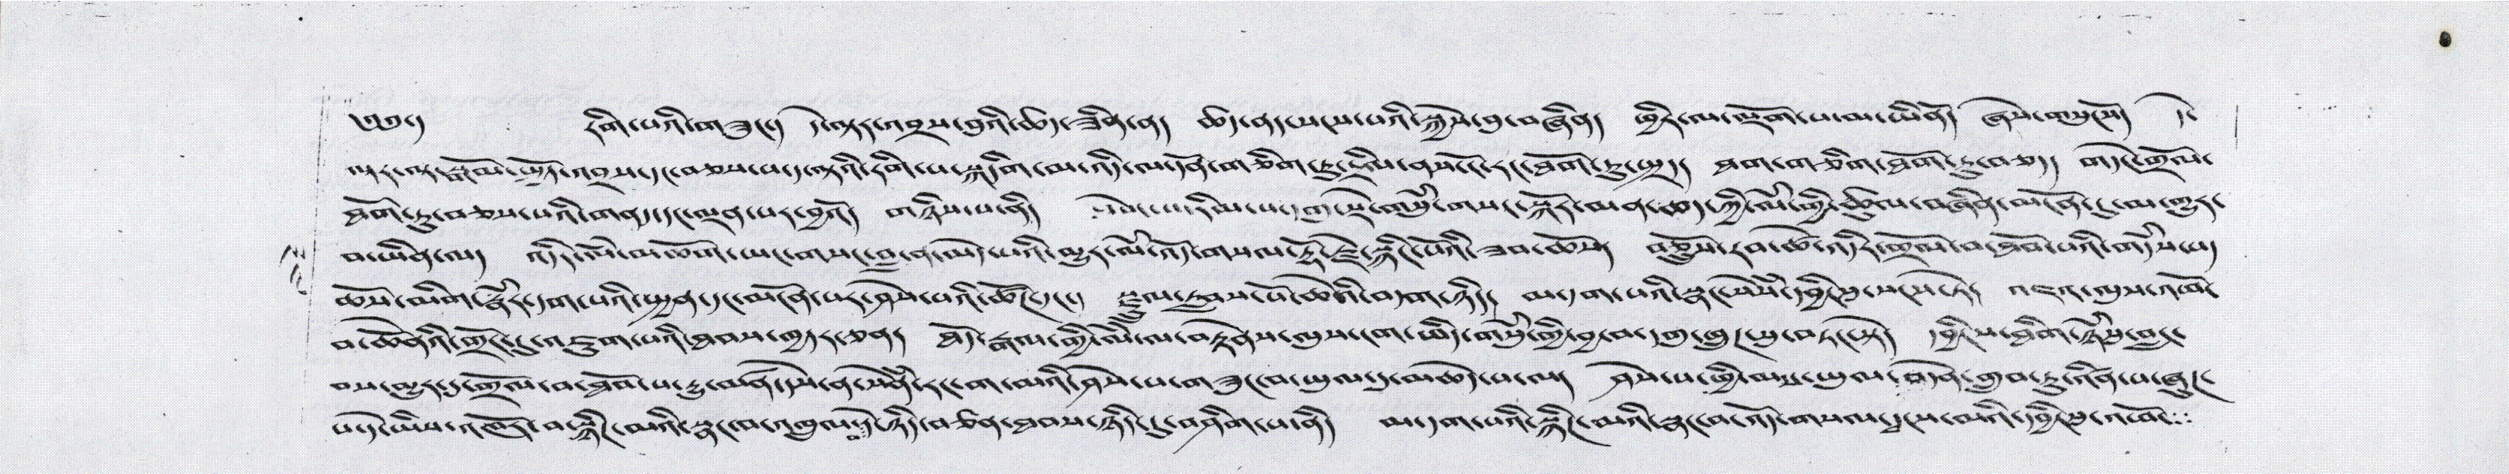རིག་པའི་གཟུང། དེ་ལྟར་འབྲས་བུའི་ཚད་ཟིན་ན། ཚད་ནད་སངས་པའི་སྐྱེས་བུ་བཞིན། ཕྱིར་ལ་ལྡོག་པ་མ་ཡིན་ནོ། ཞེས་གསུངས་སོ། དེ་
ལྟར་ལྟ་སྒོམ་སྤྱོད་འབྲས་དང་བཅས་པ་ད་ལྟའི་རིག་པ་སྐད་ཅིག་མ་འདི་ལ་དོན་གཅིག་ཏུ་དྲིལ་ནས་ངོ་རང་ཐོག་ཏུ་སྤྲད། ཐག་གཅིག་ཐོག་ཏུ་བཅད། གདེང་གྲོལ་
ཐོག་ཏུ་བཅས་པའི་གནད་དང་ལྡན་པར་བྱའོ། གཉིས་པ་ནི། ཐེག་པ་རིམ་པ་དགུ་སྡེ་གསུམ་གསང་སྐོར་མན་ཆད་ཀྱི་ལམ་གྱི་ཚུལ་བཞིན་མངོན་དུ་མ་གྱུར་
བ་ཡིན་ལ། འདིར་ལམ་མཆོག་ཡང་གསལ་བླ་ན་མེད་པའི་མྱུར་ལམ་འོད་གསལ་རྡོ་རྗེ་སྙིང་པོའི་ཟབ་ཆོས། བརྩོན་འགྲུས་རབ་ཚེ་འདིར་གྲོལ་བ་ཐོབ་པའི་གདམས་པ་
ཆོས་མིག་རྣམ་པར་དག་པའི་སྤྱན་དང་མངོན་པར་ཤེས་པའི་ཚོགས་དང། རྫུ་འཕྲུལ་རླབས་པོ་ཆེའི་བདག་ཉིད། མ་དག་པའི་སྣང་སེམས་དབྱིངས་སུ་སངས་ཏེ། འཇའ་ལུས་འཕོ་
བ་ཆེན་པོའི་གྲོང་དུ་འཇུག་པའི་ཐབས་ཁྱད་པར་ཅན། ཐོད་རྒལ་གྱི་ལམ་ལ་བརྟེན་ནས་ལུས་ངག་ཡིད་གསུམ་གྱི་བྱ་བ་དགུ་ཕྲུགས་སུ་བཏང་སྟེ། དབྱིངས་ཐིག་ཉམས་སུ་བླང་
བས་མྱུར་དུ་གྲོལ་བ་ཐོབ་པ་རྒྱུ་མཚན་དེས་ན་སེམས་ཅན་རང་ག་མའི་ཤེས་པ་གཟུང་བ་ཡུལ་དུ་མཆེད་པ་ལ། ཤེས་པ་ཕྱི་མས་ཡུལ་བདེན་གྲུབ་ཏུ་འཛིན་པ་ཞུགས་
པ་དེ་ཡིས་འཁོར་བ་སྙིགས་མའི་སྣང་བ་འཁྲུལ་བ་དེ་ཉིད་བཙན་ཐབས་ཉིད་དུ་བཤིག་པ་ནི། མ་དག་པའི་སྙིགས་མའི་སྣང་བ་འོད་གསལ་དྭངས་མའི་དབྱིངས་སུ་འཕོ་